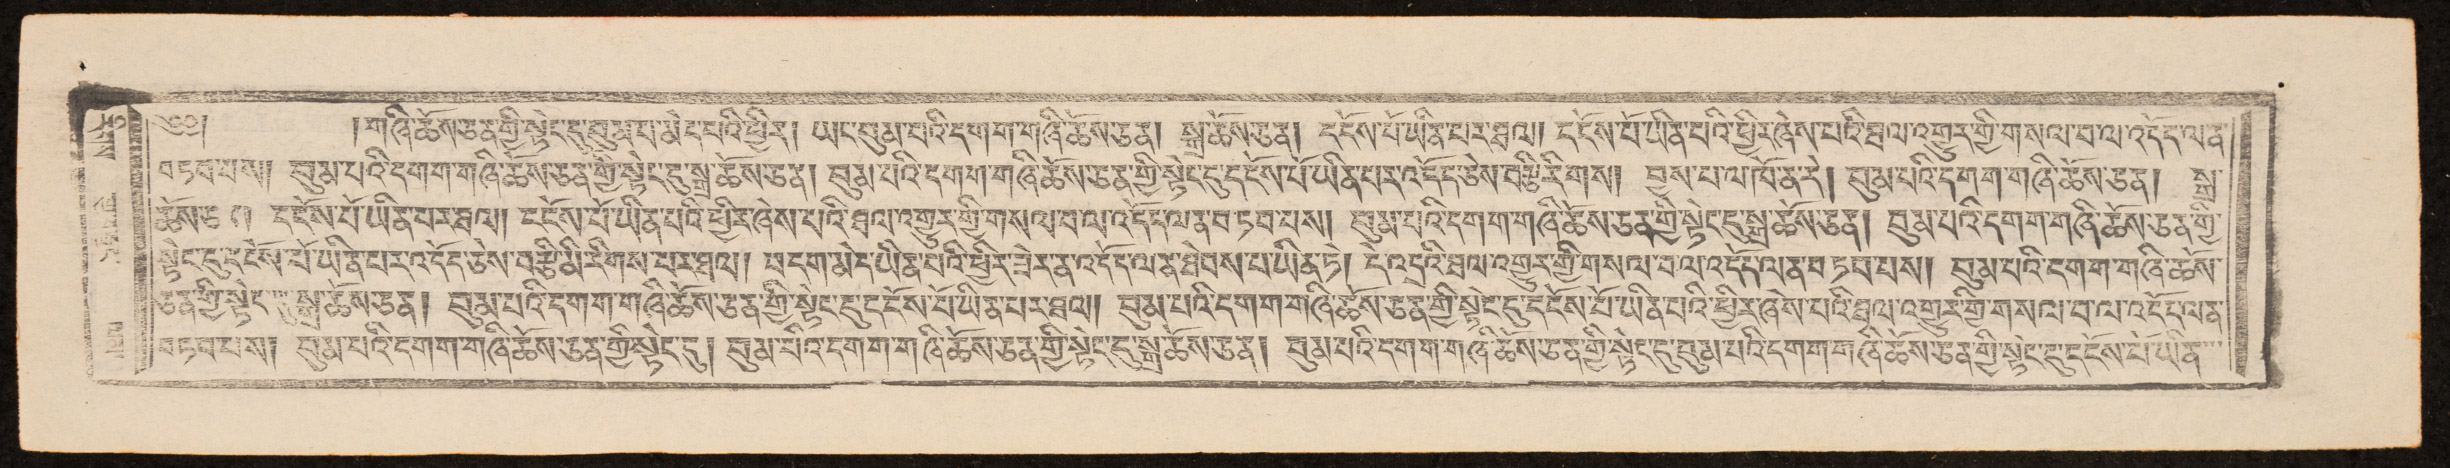༄༅། །གཞི་ཆོས་ཅན་གྱི་སྟེང་དུ་བུམ་པ་མེད་པའི་ཕྱིར། ཡང་བུམ་པའི་དགག་གཞི་ཆོས་ཅན། སྒྲ་ཆོས་ཅན། དངོས་པོ་ཡིན་པར་ཐལ། དངོས་པོ་ཡིན་པའི་ཕྱིར་ཞེས་པའི་ཐལ་འགྱུར་གྱི་གསལ་བ་ལ་འདོད་ལན་
བཏབ་པས། བུམ་པའི་དགག་གཞི་ཆོས་ཅན་གྱི་སྟེང་དུ་སྒྲ་ཆོས་ཅན། བུམ་པའི་དགག་གཞི་ཆོས་ཅན་གྱི་སྟེང་དུ་དངོས་པོ་ཡིན་པར་འདོད་ཅེས་བརྩི་རིགས། བྱས་པ་ལ་ཁོ་ན་རེ། བུམ་པའི་དགག་གཞི་ཆོས་ཅན། སྒྲ་
ཆོས་ཅན། དངོས་པོ་ཡིན་པར་ཐལ། དངོས་པོ་ཡིན་པའི་ཕྱིར་ཞེས་པའི་ཐལ་འགྱུར་གྱི་གསལ་བ་ལ་འདོད་ལན་བཏབ་པས། བུམ་པའི་དགག་གཞི་ཆོས་ཅན་གྱི་སྟེང་དུ་སྒྲ་ཆོས་ཅན། བུམ་པའི་དགག་གཞི་ཆོས་ཅན་གྱི་
སྟེང་དུ་དངོས་པོ་ཡིན་པར་འདོད་ཅེས་བརྩི་མི་རིགས་པར་ཐལ། བདག་མེད་ཡིན་པའི་ཕྱིར་ཟེར་ན་འདོད་ལན་ཐེབས་པ་ཡིན་ཏེ། དེ་འདྲའི་ཐལ་འགྱུར་གྱི་གསལ་བ་ལ་འདོད་ལན་བཏབ་པས། བུམ་པའི་དགག་གཞི་ཆོས་
ཅན་གྱི་སྟེང་དུ་སྒྲ་ཆོས་ཅན། བུམ་པའི་དགག་གཞི་ཆོས་ཅན་གྱི་སྟེང་དུ་དངོས་པོ་ཡིན་པར་ཐལ། བུམ་པའི་དགག་གཞི་ཆོས་ཅན་གྱི་སྟེང་དུ་དངོས་པོ་ཡིན་པའི་ཕྱིར་ཞེས་པའི་ཐལ་འགྱུར་གྱི་གསལ་བ་ལ་འདོད་ལན་
བཏབ་པས། བུམ་པའི་དགག་གཞི་ཆོས་ཅན་གྱི་སྟེང་དུ། བུམ་པའི་དགག་གཞི་ཆོས་ཅན་གྱི་སྟེང་དུ་སྒྲ་ཆོས་ཅན། བུམ་པའི་དགག་གཞི་ཆོས་ཅན་གྱི་སྟེང་དུ་བུམ་པའི་དགག་གཞི་ཆོས་ཅན་གྱི་སྟེང་དུ་དངོས་པོ་ཡིན་